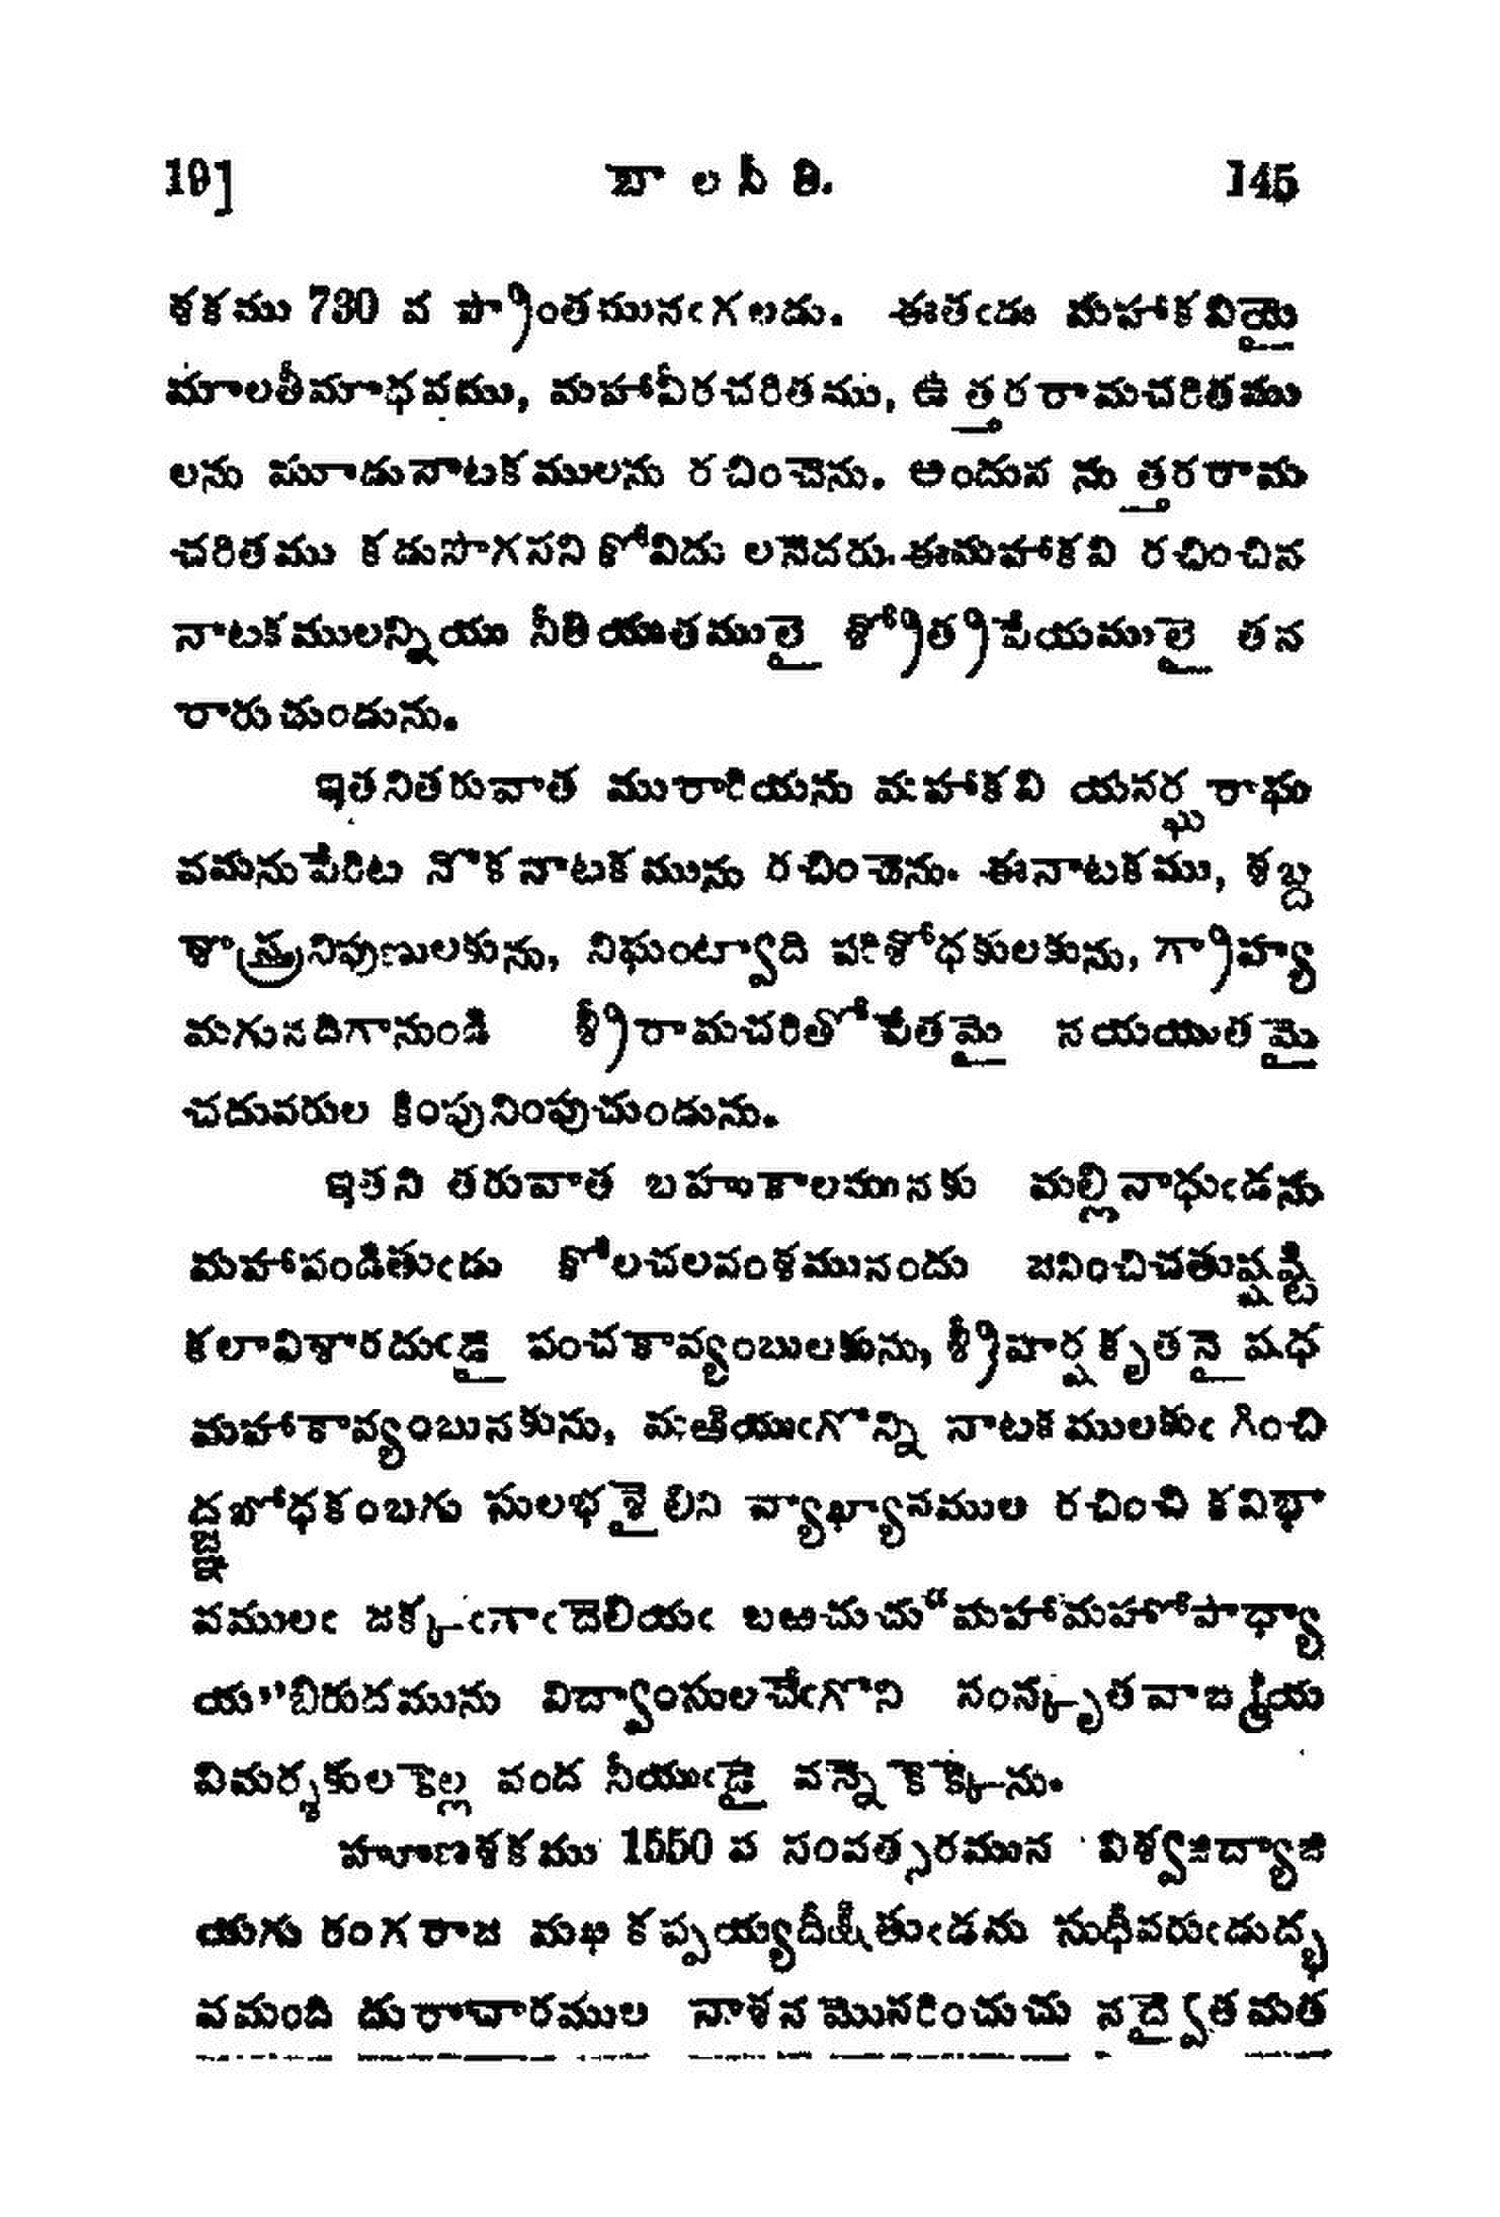శకము 730 వ ప్రాంతమునఁగలడు. ఈతఁడు మహాకవియై 
మాలతీమాధవము, మహావీరచరితము, ఉత్తరరామచరితము
లను మూడునాటకములను రచించెను. అందున నుత్తరరామ
చరితము కడుసొగసని కోవిదు లనెదరు. ఈమహాకవి రచించిన 
నాటకములన్నియు నీతియుతములై శ్రోత్రపేయములై తన
రారుచుండును. 

ఇతనితరువాత మురారియను మహాకవి యనర్ఘ రాఘ
వమనుపేరిట నొకనాటకమును రచించెను. ఈనాటకము, శబ్ద
శాస్త్రనిపుణులకును, నిఘంట్వాది పరిశోధకులకును, గ్రాహ్య
మగునదిగానుండి శ్రీరామచరితోపేతమై నయయుతమై 
చదువరుల కింపునింపుచుండును.

ఇతని తరువాత బహుకాలమునకు మల్లినాధుఁడను 
మహాపండితుఁడు శోలచలవంశమునందు జనించిచతుష్షష్టి 
కలావిశారదుఁడై పంచకావ్యంబులకును, శ్రీహర్షకృతనైషధ 
మహాకావ్యంబునకును, మఱియుఁగొన్ని నాటకములకుఁ గించి
ద్జ్ఞబోధకంబగు సులభశైలిని వ్యాఖ్యానముల రచించి కవిభా
వములఁ జక్కఁగాఁదెలియఁ బఱచుచు "మహామహోపాధ్యా
య"బిరుదమును విద్వాంసులచేఁగొని సంస్కృతవాఙ్మయ 
విమర్శకులకెల్ల వంద నీయుఁడై వన్నె కెక్కెను.

హూణశకము 1550 వ సంవత్సరమున విశ్వజిద్యాజి
యగు రంగరాజ మఖి కప్పయ్యదీక్షితుఁడను సుధీవరుఁడుద్భ
వమంది దురాచారముల నాశనమొనరించుచు నద్వైతమత